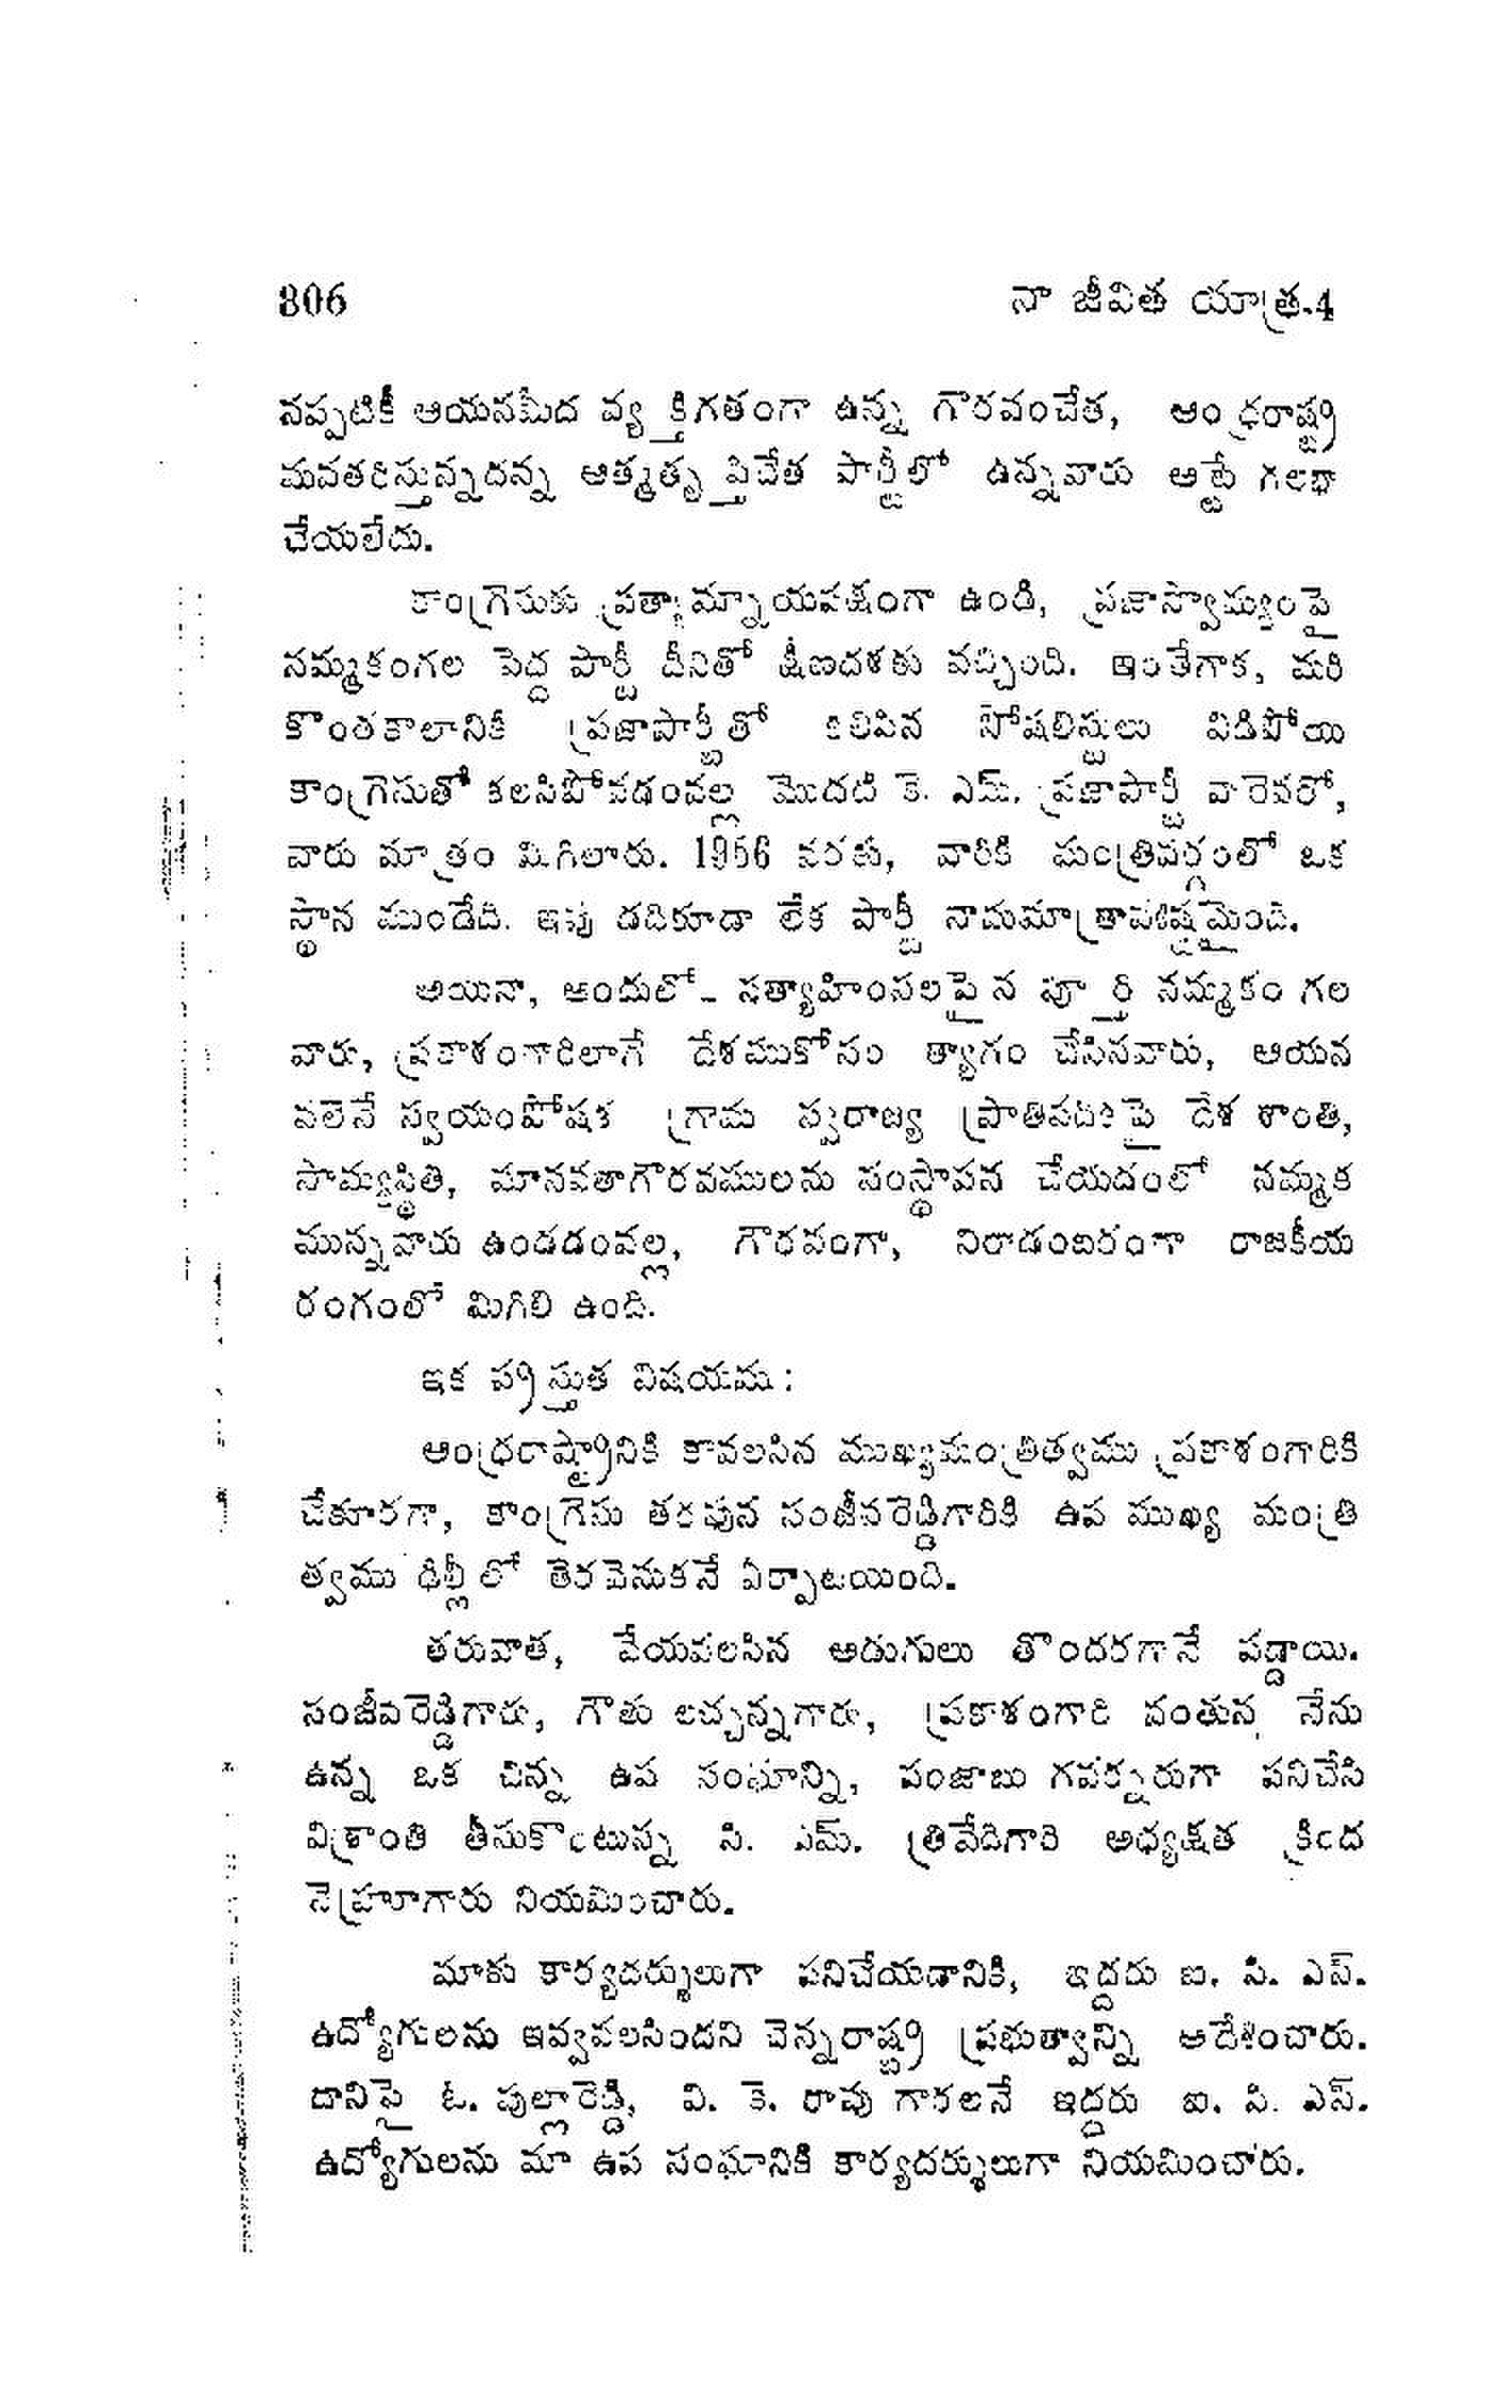నప్పటికీ ఆయనమీద వ్యక్తిగతంగా ఉన్న గౌరవంచేత, ఆంధ్రరాష్ట్ర మవతరిస్తున్నదన్న ఆత్మతృప్తిచేత పార్టీలో ఉన్నవారు అట్టే గలభా చేయలేదు.

కాంగ్రెసుకు ప్రత్నామ్నాయపక్షంగా ఉండి, ప్రజాస్వామ్యంపై నమ్మకంగల పెద్ద పార్టీ దీనితో క్షీణదశకు వచ్చింది. ఇంతేగాక, మరి కొంతకాలానికి ప్రజాపార్టీతో కలిసిన సోషలిస్టులు విడిపోయి కాంగ్రెసుతో కలసిపోవడంవల్ల మొదటి కె.ఎమ్. ప్రజాపార్టీ వారెవరో, వారు మాత్రం మిగిలారు. 1956 వరకు, వారికి మంత్రివర్గంలో ఒక స్థాన ముండేది. ఇపు డదికూడా లేక పార్టీ నామమాత్రావశిష్టమైంది.

అయినా, అందులో - సత్యాహింసలపైన పూర్తి నమ్మకం గలవారు, ప్రకాశంగారిలాగే దేశముకోసం త్యాగం చేసినవారు ఆయన వలెనే స్వయంపోషక గ్రామ స్వరాజ్య ప్రాతిపదికపై దేశ శాంతి, సామ్యస్థితి, మానవతాగౌరవములను సంస్థాపన చేయడంలో నమ్మకమున్నవారు ఉండడంవల్ల, గౌరవంగా, నిరాడంబరంగా రాజకీయ రంగంలో మిగిలి ఉంది.

ఇక ప్రస్తుత విషయము:

ఆంధ్రరాష్ట్రానికి కావలసిన ముఖ్యమంత్రిత్వము ప్రకాశంగారికి చేకూరగా, కాంగ్రెసు తరపున సంజీవరెడ్డిగారికి ఉప ముఖ్య మంత్రిత్వము డిల్లీలో తెరవెనుకనే ఏర్పాటయింది.

తరువాత, వేయవలసిన అడుగులు తొందరగానే పడ్డాయి. సంజీవరెడ్డిగారు, గౌతులచ్చన్నగారు, ప్రకాశంగారి వంతున నేను ఉన్న ఒక చిన్న ఉప సంఘాన్ని, పంజాబు గవర్నరుగా పనిచేసి విశ్రాంతి తీసుకొంటున్న సి.ఎమ్. త్రివేదిగారి అధ్యక్షత క్రింద నెహ్రూగారు నియమించారు.

మాకు కార్యదర్శులుగా పనిచేయడానికి, ఇద్దరు ఐ.సి.ఎస్. ఉద్యోగులను ఇవ్వవలసిందని చెన్నరాష్ట్ర ప్రభుత్వాన్ని ఆదేశించారు. దానిపై ఓ. పుల్లారెడ్డి, వి.కె. రావు గారలనే ఐ.సి.ఎస్. ఉద్యోగులను మా ఉప సంఘానికి కార్యదర్శులుగా నియమించారు.